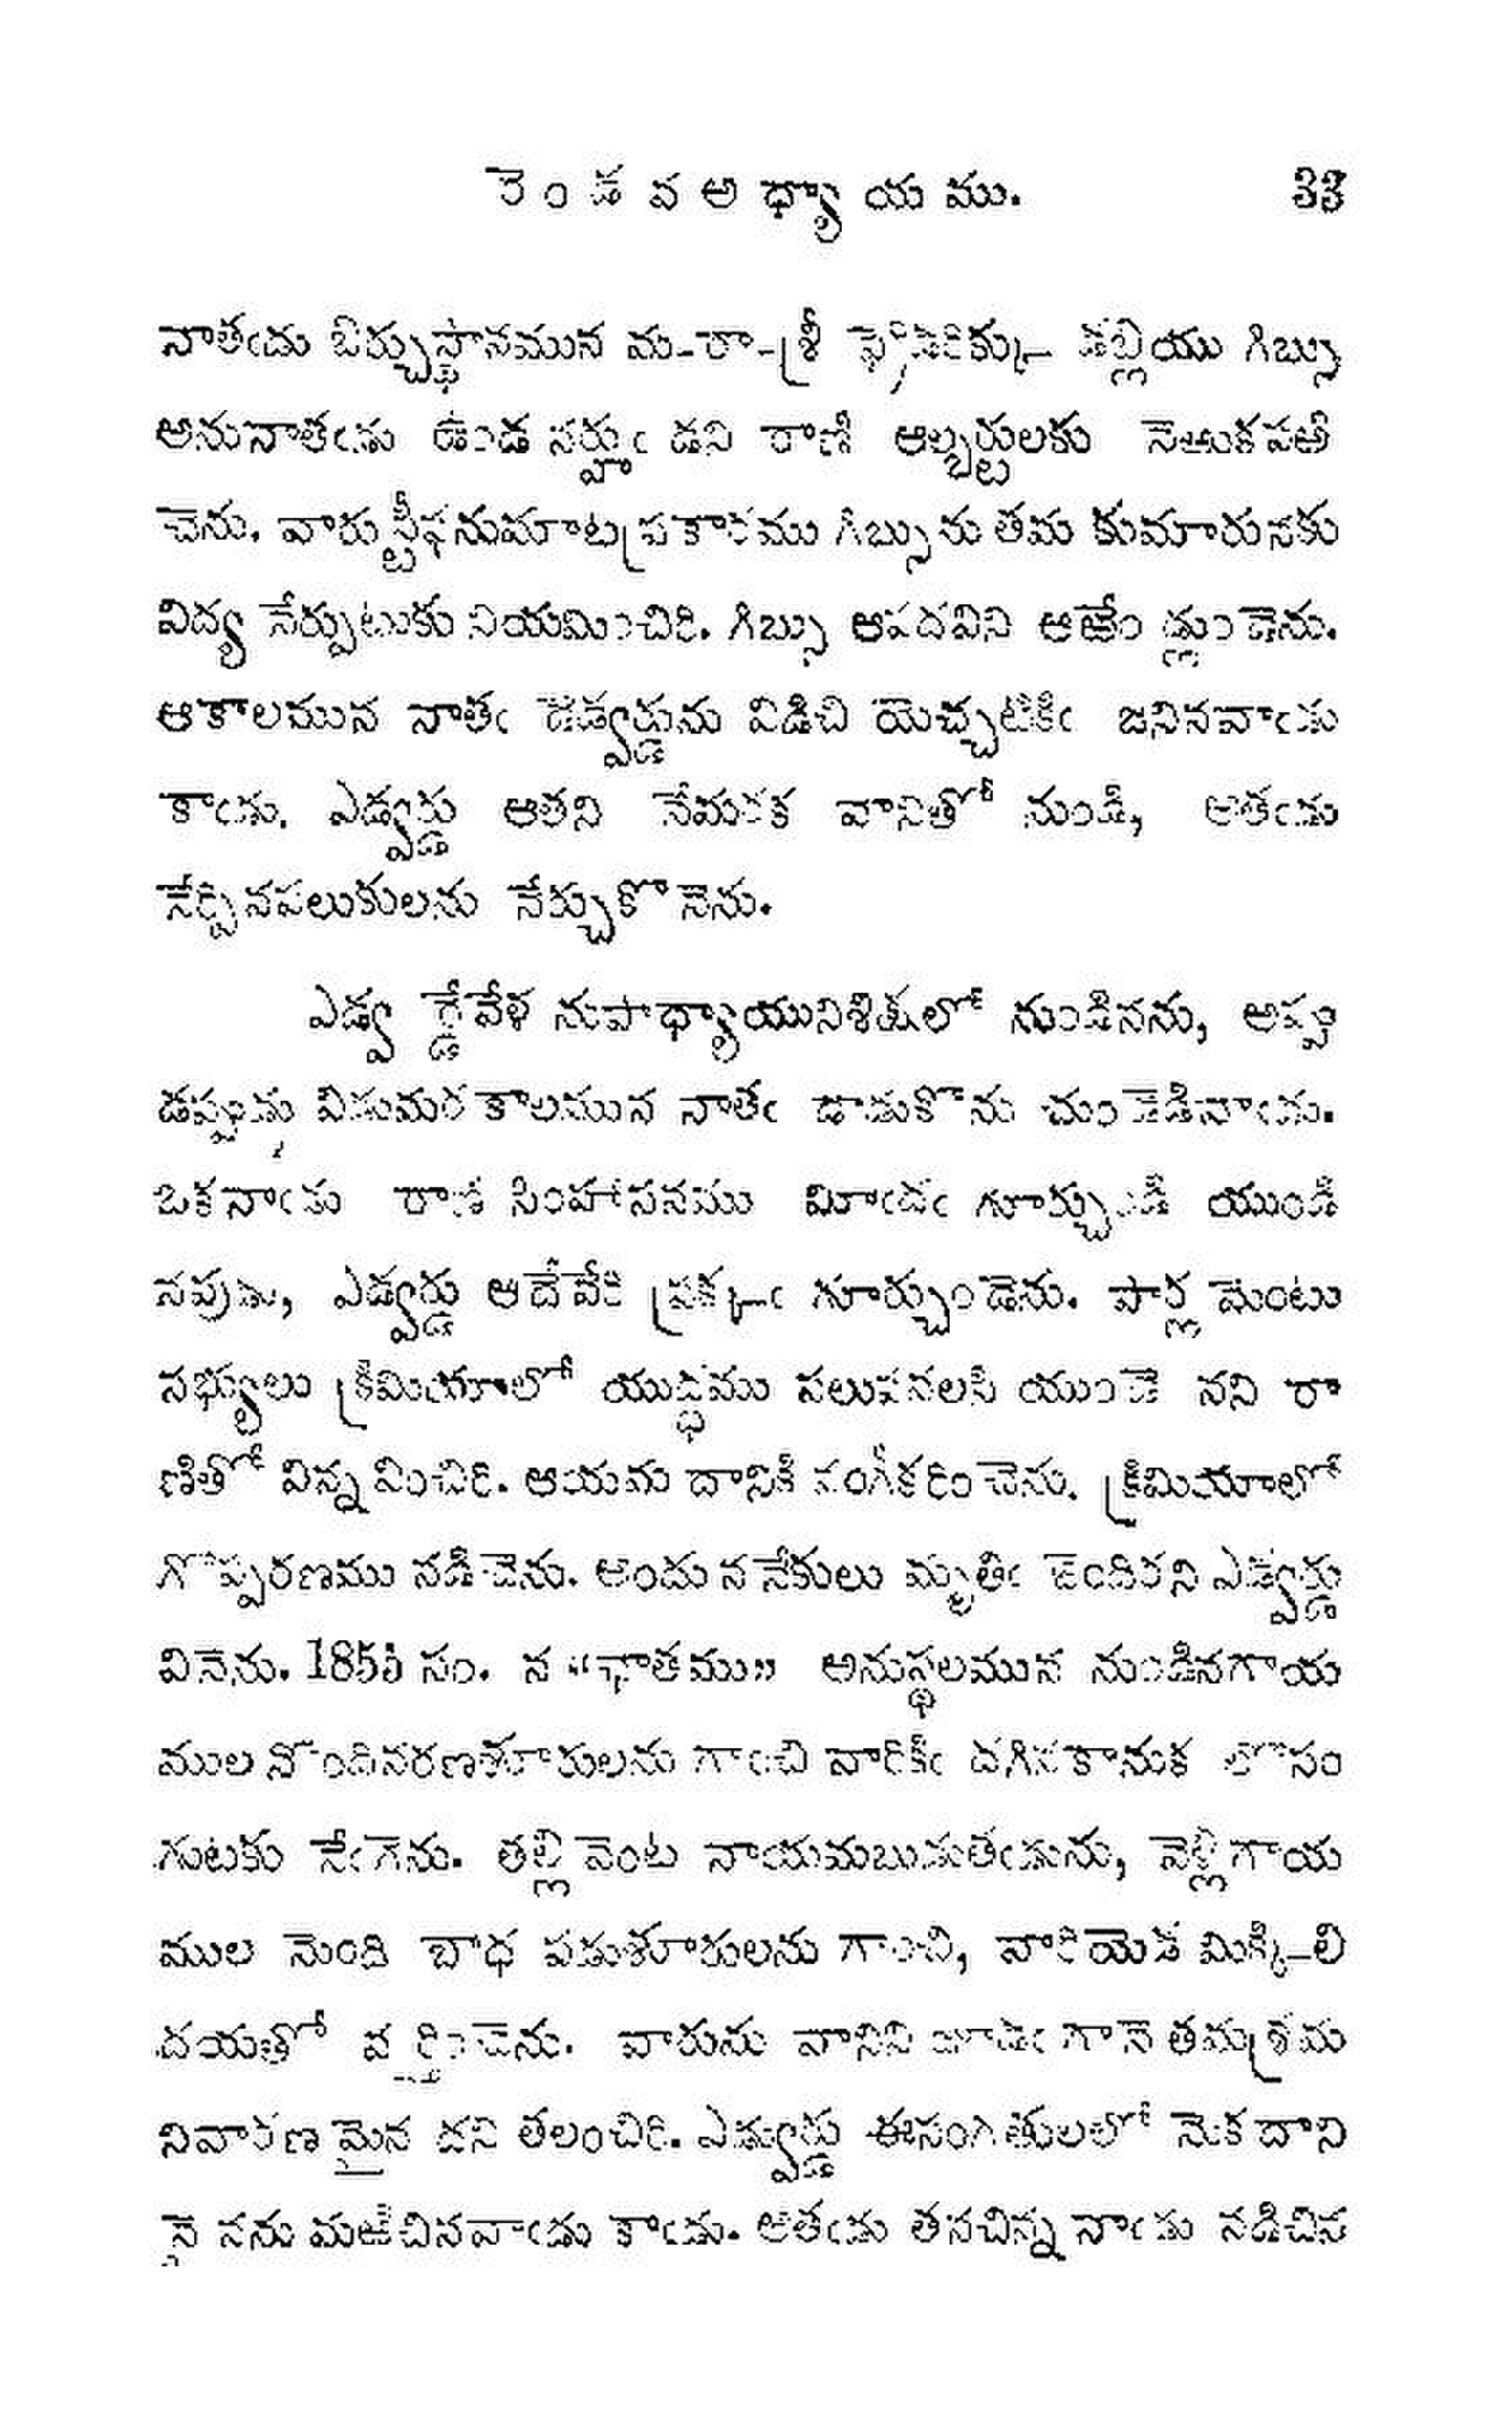నాతఁదు బిర్చు స్థానమున మ-రా-శ్రీ ప్రెడరిక్కు డబ్లియు గిబ్సు అనునాతడు ఉండ నర్హుడని రాణి ఆల్బర్టులకు నెఱుకపఱచెను. వారు స్టీపను మాట ప్రకారము గీబ్సును తమ కుమారునకు
విద్య నేర్పుటుకు నియమించిరి, గిబ్సు ఆపదవిని ఆజేం డ్లుండెను.ఆకాలమున నాతఁ డెడ్వర్డును విడిచి యెచ్చటికిఁ జనినవాడు కాడు, ఎడ్వర్డు ఆతని నేమరక వానితో నుండి, అతఁడు
నేర్పినపలుకులను నేర్చుకొనెను.

ఎడ్వ ర్డే వేళ నుపాధ్యాయునిశిక్షలో నుండినను, అప్పడప్పుడు విడమర కాలమున నాతం డాడుకొను చుండెడివాడు.ఒకనాఁడు రాణి సింహాసనము మీఁదఁ గూర్చుండి యుండినపుడు, ఎడ్వర్డు ఆదే వేరి ప్రక్కఁ గూర్చుండెను. పార్లమెంటు సభ్యులు క్రిమియూలో యుద్ధము సలుపవలసి యుండెనని రా
ణితో విన్న వించిరి. ఆయుమ దానికి సంగీకరిం చెను, క్రిమియాలోగొప్పరణము నడిచెను. అందు న నేకులు మృతి చెందిరని ఎడ్వర్డు వినెను. 1853 సం. న చాతముల" అను స్థలమున నుడిన గాయ
ముల నొందిన రణశూరులను గాంచి వారికి దగిన కానుక నొసంగుటకు నేగెను. తల్లి వెంట న్యాయమబుడతడు తలకును, వెళ్లి గాయముల నొంది బాధ పడువారులను గాంచి, వారియెడ మిక్కిలిదయతో పర్తించెను. వారును వానిని జుడ గా నే తమశ్రమనివారణ మైన దని తలంచిరి. ఎడ్వర్డు ఈసంగ తులలో నెక దానినైనను మఱ చినవాఁడు కాడు. అతడు తనచిన్న నాడు నడిచిన